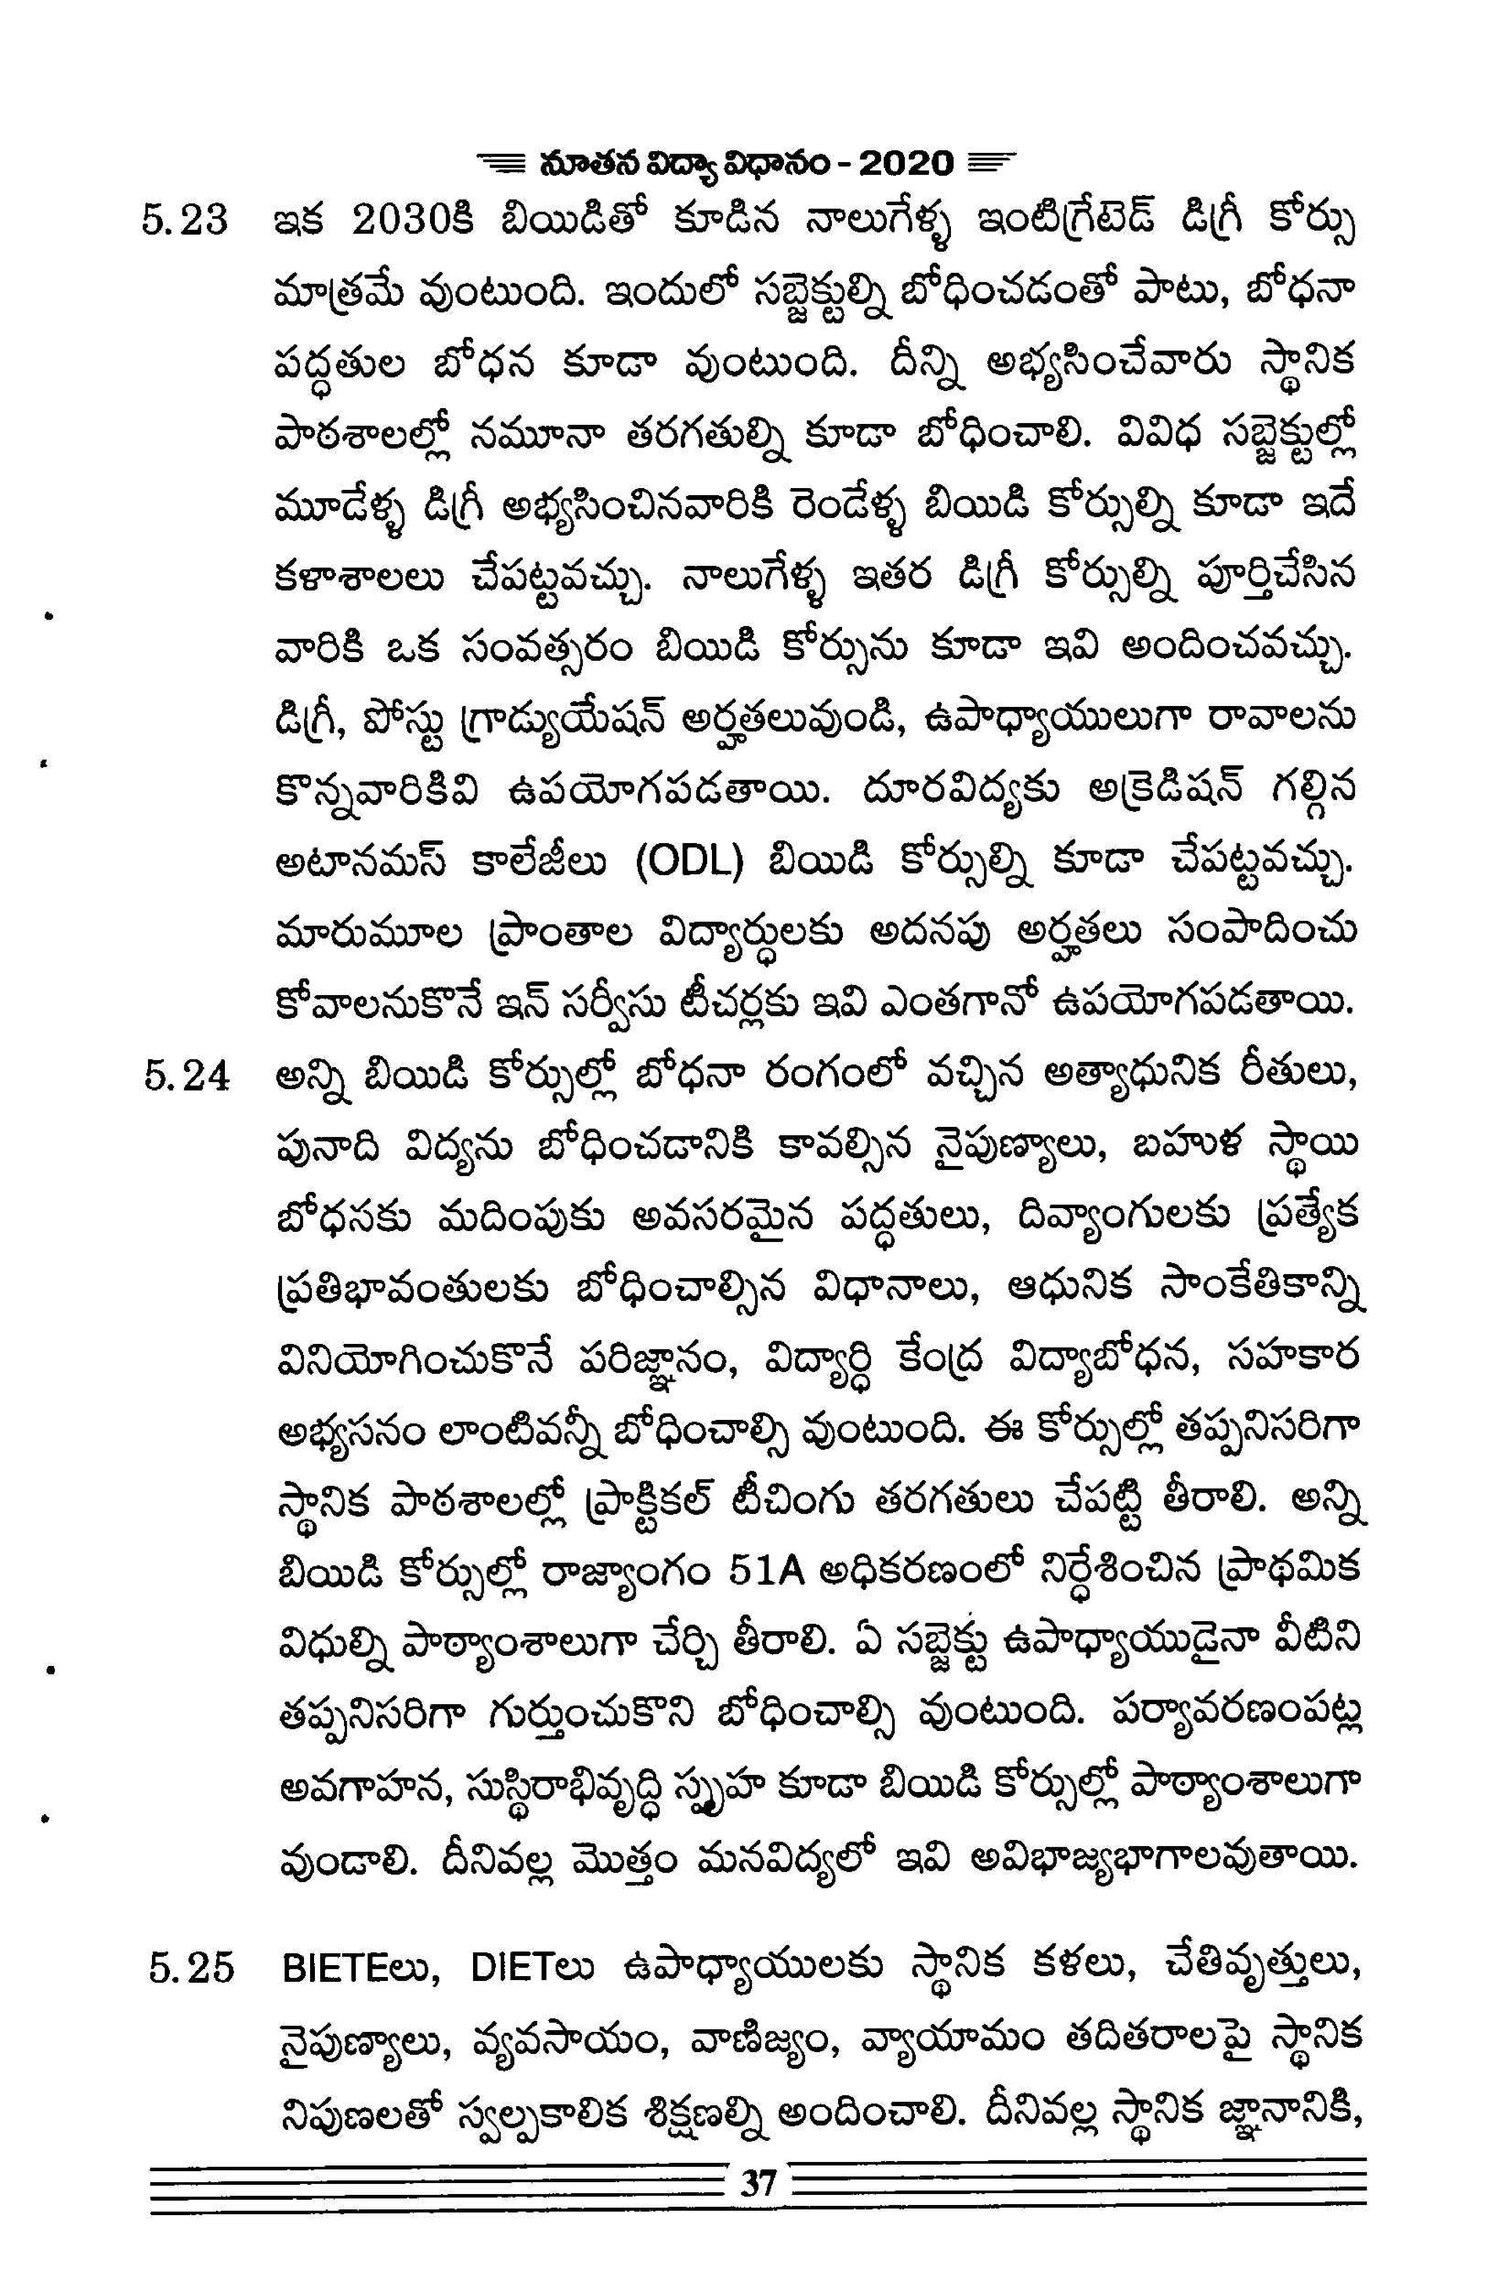5.23
2030 నాటికి బి.ఎడ్. (B.Ed)తో కూడిన నాలుగు సంవత్సరాల ఇంటిగ్రేటెడ్ డిగ్రీ కోర్సు మాత్రమే అందుబాటులో వుంటుంది. ఈ కోర్సులో సబ్జెక్టు బోధనతో పాటు బోధనా పద్ధతులపై శిక్షణ కూడా కలిగిస్తుంది. ఈ కోర్సును అభ్యసించే విద్యార్థులు స్థానిక పాఠశాలల్లో నమూనా తరగతులు నిర్వహించాలి.
మూడేళ్ళ సాధారణ డిగ్రీ పూర్తిచేసినవారికి రెండు సంవత్సరాల B.Ed కోర్సు మరియు నాలుగేళ్ళ ఇతర డిగ్రీ కోర్సులు పూర్తి చేసినవారికి ఒక సంవత్సరపు B.Ed కోర్సును కూడా ఇవే కళాశాలలు అందించవచ్చు. డిగ్రీ లేదా పీజీ అర్హతలతో ఉపాధ్యాయులుగా మారాలని ఆశించే వారికి ఈ అవకాశాలు ఉపయోగపడతాయి.
దూరవిద్యకు అప్రూవల్ పొందిన అటానమస్ కాలేజీలు (ODL) B.Ed కోర్సులను నిర్వహించవచ్చు. మారుమూల ప్రాంతాల్లోని విద్యార్థులకు లేదా సర్వీసులో ఉన్న ఉపాధ్యాయులకు అదనపు అర్హతలు సంపాదించుకోవడానికి ఇవి ఎంతో ఉపయోగపడతాయి.

5.24
అన్ని B.Ed కోర్సుల్లో ఆధునిక బోధనా పద్ధతులు, పునాది విద్య బోధన నైపుణ్యాలు, బహుళస్థాయి బోధన, మదింపు విధానాలు, దివ్యాంగులు మరియు ప్రతిభావంతుల కోసం ప్రత్యేక బోధనా విధానాలు, ఆధునిక సాంకేతిక వినియోగం, విద్యార్థికేంద్రీకృత బోధన, సహకార అధ్యయనం వంటి అంశాలను బోధించాలి.
ఈ కోర్సుల్లో తప్పనిసరిగా స్థానిక పాఠశాలల్లో ప్రాక్టికల్ టీచింగ్ తరగతులు నిర్వహించాలి.
అలాగే, రాజ్యాంగంలోని 51A అధికరణం ద్వారా సూచించబడిన పౌరుల ప్రాథమిక విధుల్ని కూడా B.Ed పాఠ్యాంశాల్లో చేర్చాలి.
ప్రతి ఉపాధ్యాయుడు తన సబ్జెక్టు ఎంత ముఖ్యమైనదో గుర్తించి ఈ విధుల్ని తప్పనిసరిగా పాఠ్యప్రణాళికలో పొందుపరచాలి.
పర్యావరణ అవగాహన, సుస్థిర అభివృద్ధిపై స్పృహ వంటి అంశాలను కూడా B.Ed కోర్సుల్లో భాగంగా బోధించాలి. దీనివల్ల ఈ అంశాలు మన విద్యావ్యవస్థలో అవిభాజ్య భాగాలుగా మారతాయి.

5.25
BIETEలు, DIETలు ఉపాధ్యాయులకు స్థానిక కళలు, చేతివృత్తులు, నైపుణ్యాలు, వ్యవసాయం, వాణిజ్యం, వ్యాయామం తదితర అంశాలపై స్థానిక నిపుణుల సహకారంతో స్వల్పకాలిక శిక్షణా కార్యక్రమాలు అందించాలి.
దీనివల్ల స్థానిక జ్ఞానానికి ప్రాధాన్యం, పాఠశాల విద్యకు సంభందం, మరియు పారంపర్య నైపుణ్యాల ఆధారంగా నేర్చుకునే అవకాశాలు విద్యార్థులకు, ఉపాధ్యాయులకు లభిస్తాయి.